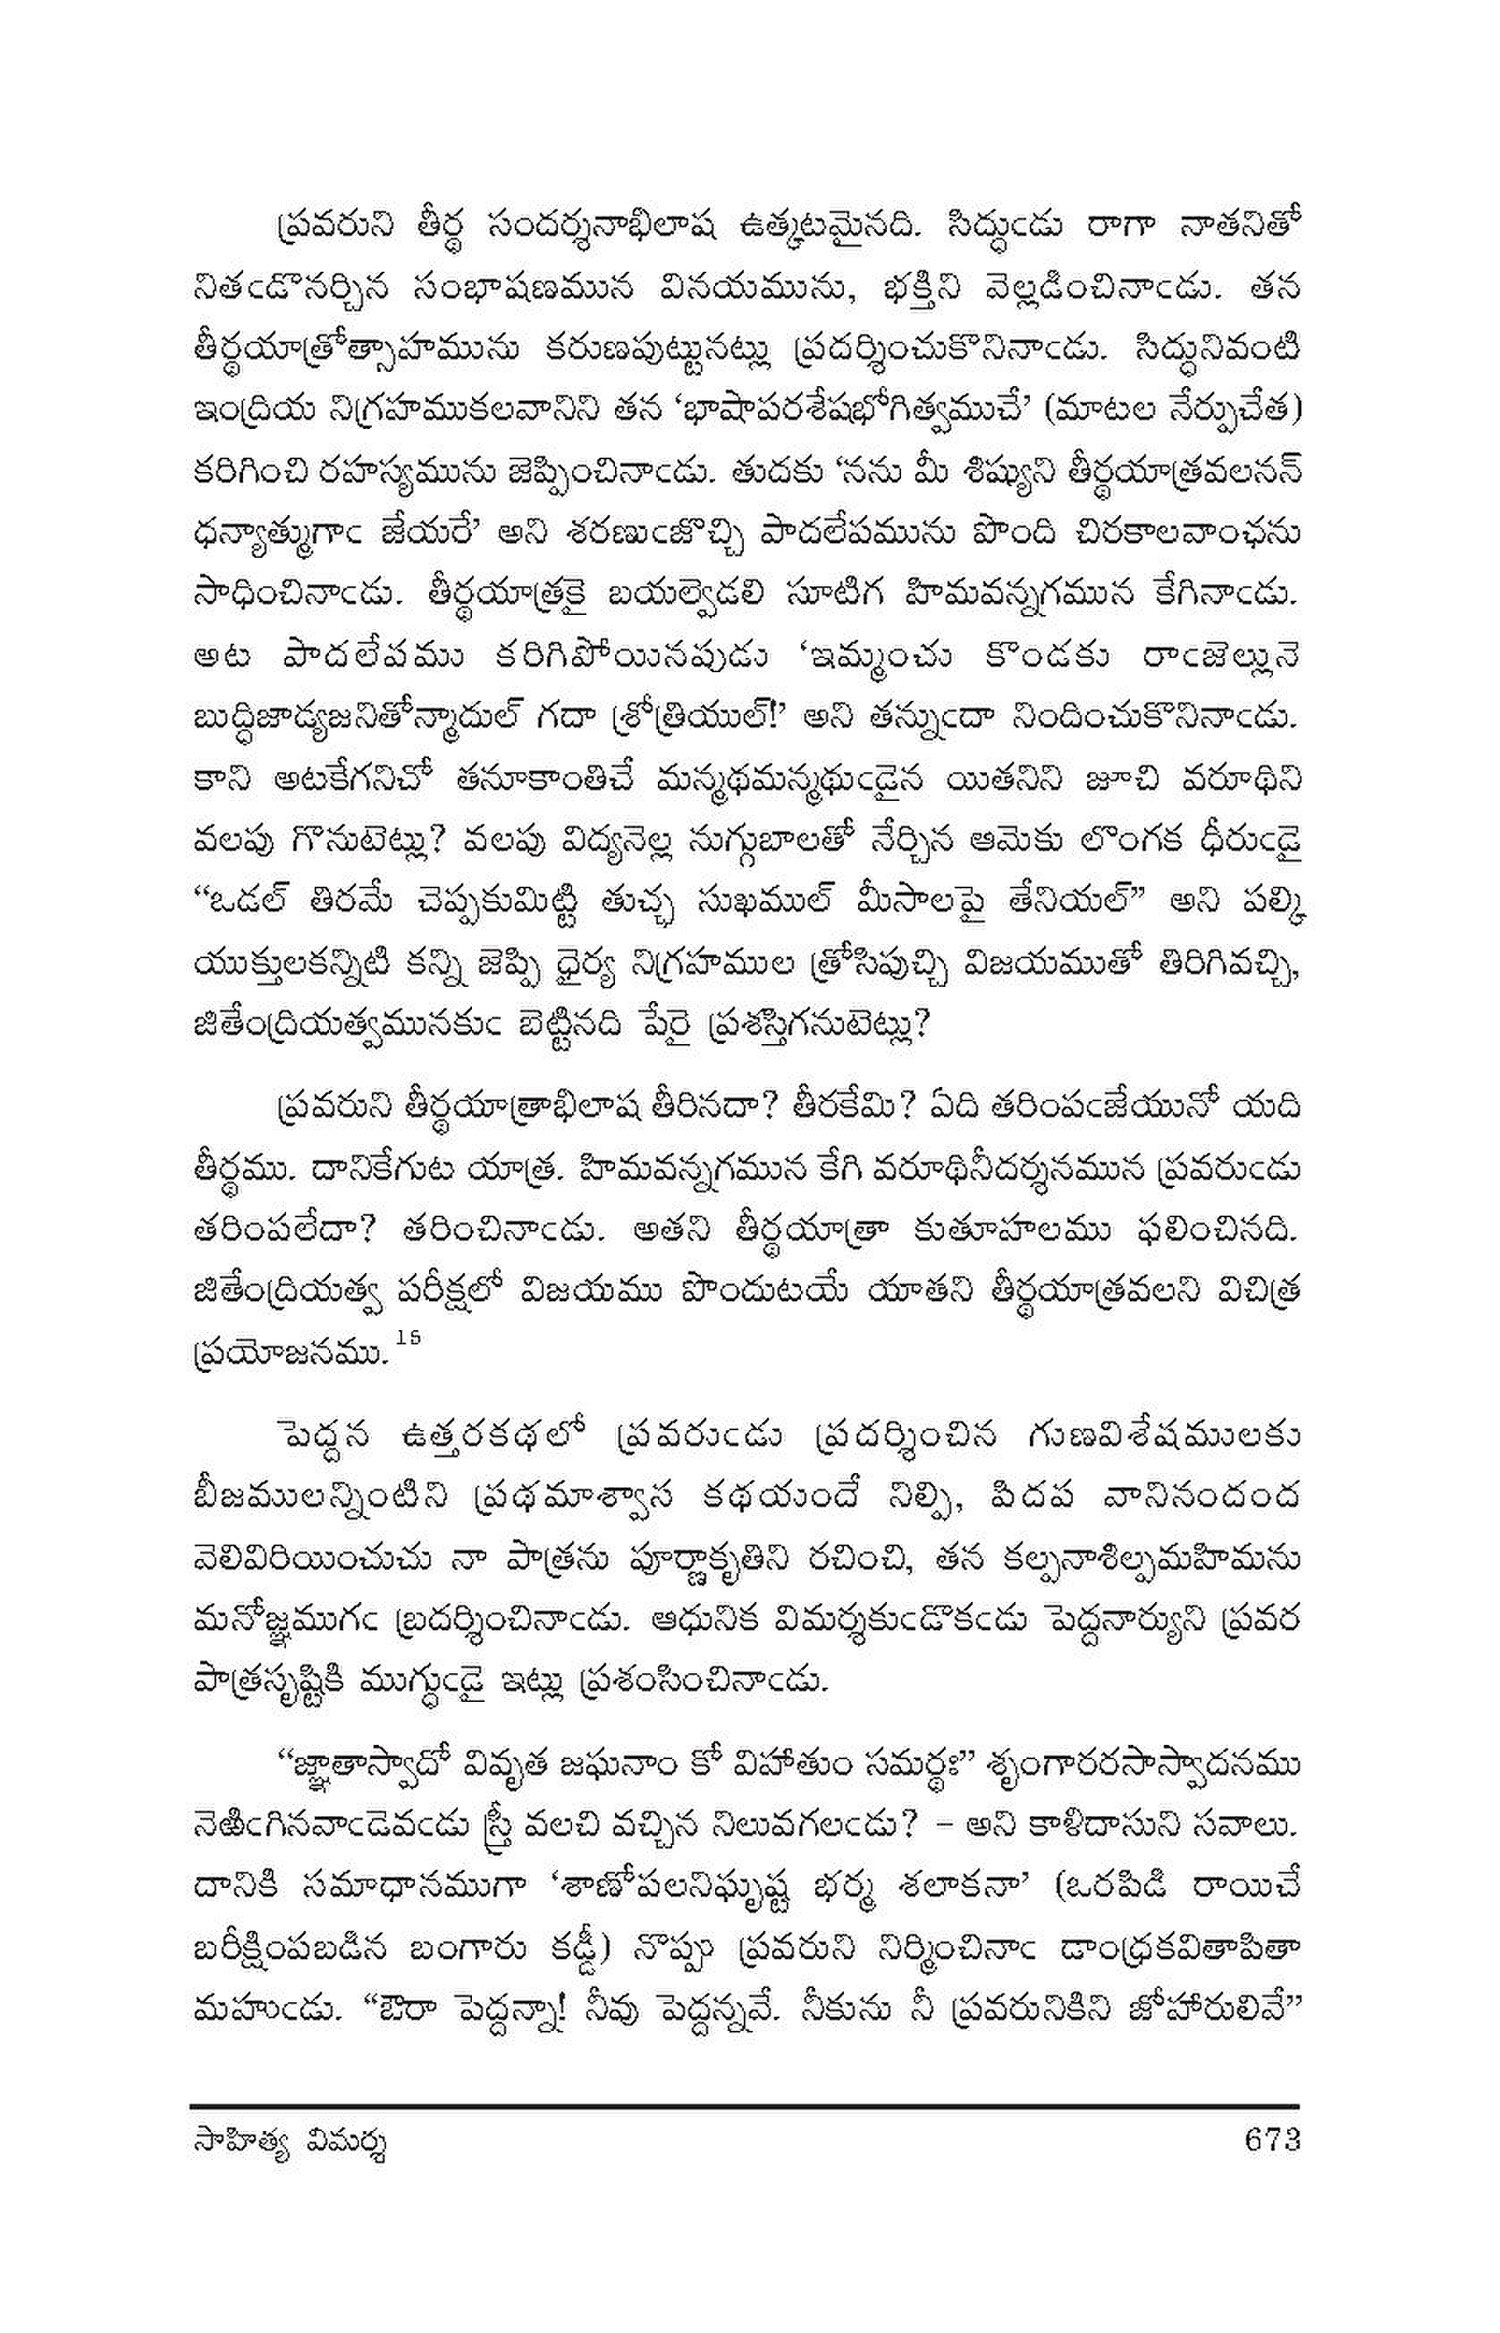ప్రవరుని తీర్థ సందర్శనాభిలాష ఉత్కటమైనది. సిద్ధుఁడు రాగా నాతనితో నితఁడొనర్చిన సంభాషణమున వినయమును, భక్తిని వెల్లడించినాఁడు. తన తీర్థయాత్రోత్సాహమును కరుణపుట్టునట్లు ప్రదర్శించుకొనినాఁడు. సిద్ధునివంటి ఇంద్రియ నిగ్రహముకలవానిని తన 'భాషాపరశేషభోగిత్వముచే' (మాటల నేర్పుచేత) కరిగించి రహస్యమును జెప్పించినాఁడు. తుదకు 'నను మీ శిష్యుని తీర్థయాత్రవలనన్ ధన్యాత్ముగాఁ జేయరే' అని శరణుఁజొచ్చి పాదలేపమును పొంది చిరకాల వాంఛను సాధించినాఁడు. తీర్థయాత్రకై బయల్వెడలి సూటిగ హిమవన్నగమున కేగినాఁడు. అట పాదలేపము కరిగిపోయినపుడు 'ఇమ్మంచు కొండకు రాఁజెల్లునె బుద్ధిజాడ్యజనితోన్మాదుల్ గదా శ్రోత్రియుల్!' అని తన్నుఁదా నిందించుకొనినాఁడు. కాని అటకేగనిచో తనూకాంతిచే మన్మథమన్మథుఁడైన యితనిని జూచి వరూథిని వలపు గొనుటెట్లు? వలపు విద్యనెల్ల నుగ్గుబాలతో నేర్చిన ఆమెకు లొంగక ధీరుఁడై “ఒడల్ తిరమే చెప్పకుమిట్టి తుచ్ఛ సుఖముల్ మీసాలపై తేనియల్" అని పల్కి యుక్తులకన్నిటి కన్ని జెప్పి ధైర్య నిగ్రహముల త్రోసిపుచ్చి విజయముతో తిరిగివచ్చి, జితేంద్రియత్వమునకుఁ బెట్టినది పేరై ప్రశస్తిగనుటెట్లు?

ప్రవరుని తీర్థయాత్రాభిలాష తీరినదా? తీరకేమి? ఏది తరింపఁజేయునో యది తీర్థము. దానికేగుట యాత్ర. హిమవన్నగమున కేగి వరూథినీదర్శనమున ప్రవరుఁడు
తరింపలేదా? తరించినాఁడు. అతని తీర్థయాత్రా కుతూహలము ఫలించినది. జితేంద్రియత్వ పరీక్షలో విజయము పొందుటయే యాతని తీర్థయాత్రవలని విచిత్ర
ప్రయోజనము."

పెద్దన ఉత్తరకథలో ప్రవరుఁడు ప్రదర్శించిన గుణవిశేషములకు బీజములన్నింటిని ప్రథమాశ్వాస కథయందే నిల్పి, పిదప వానినందంద వెలివిరియించుచు నా పాత్రను పూర్ణాకృతిని రచించి, తన కల్పనాశిల్పమహిమను మనోజ్ఞముగఁ బ్రదర్శించినాఁడు. ఆధునిక విమర్శకుఁడొకఁడు పెద్దనార్యుని ప్రవర పాత్రసృష్టికి ముగ్ధుఁడై ఇట్లు ప్రశంసించినాఁడు.

“జ్ఞాతాస్వాదో వివృత జఘనం కో విహాతుం సమర్థః శృంగారరసాస్వాదనము నెఱిఁగినవాఁడెవఁడు స్త్రీ వలచి వచ్చిన నిలువగలఁడు? - అని కాళిదాసుని సవాలు. దానికి సమాధానముగా 'శాణోపలనిఘృష్ణ భర్మ శలాకనా' (ఒరపిడి రాయిచే బరీక్షింపబడిన బంగారు కడ్డీ) నొప్పు ప్రవరుని నిర్మించినాఁ డాంధ్రకవితాపితామహుఁడు. "ఔరా పెద్దన్నా! నీవు పెద్దన్నవే. నీకును నీ ప్రవరునికిని జోహారులివే”